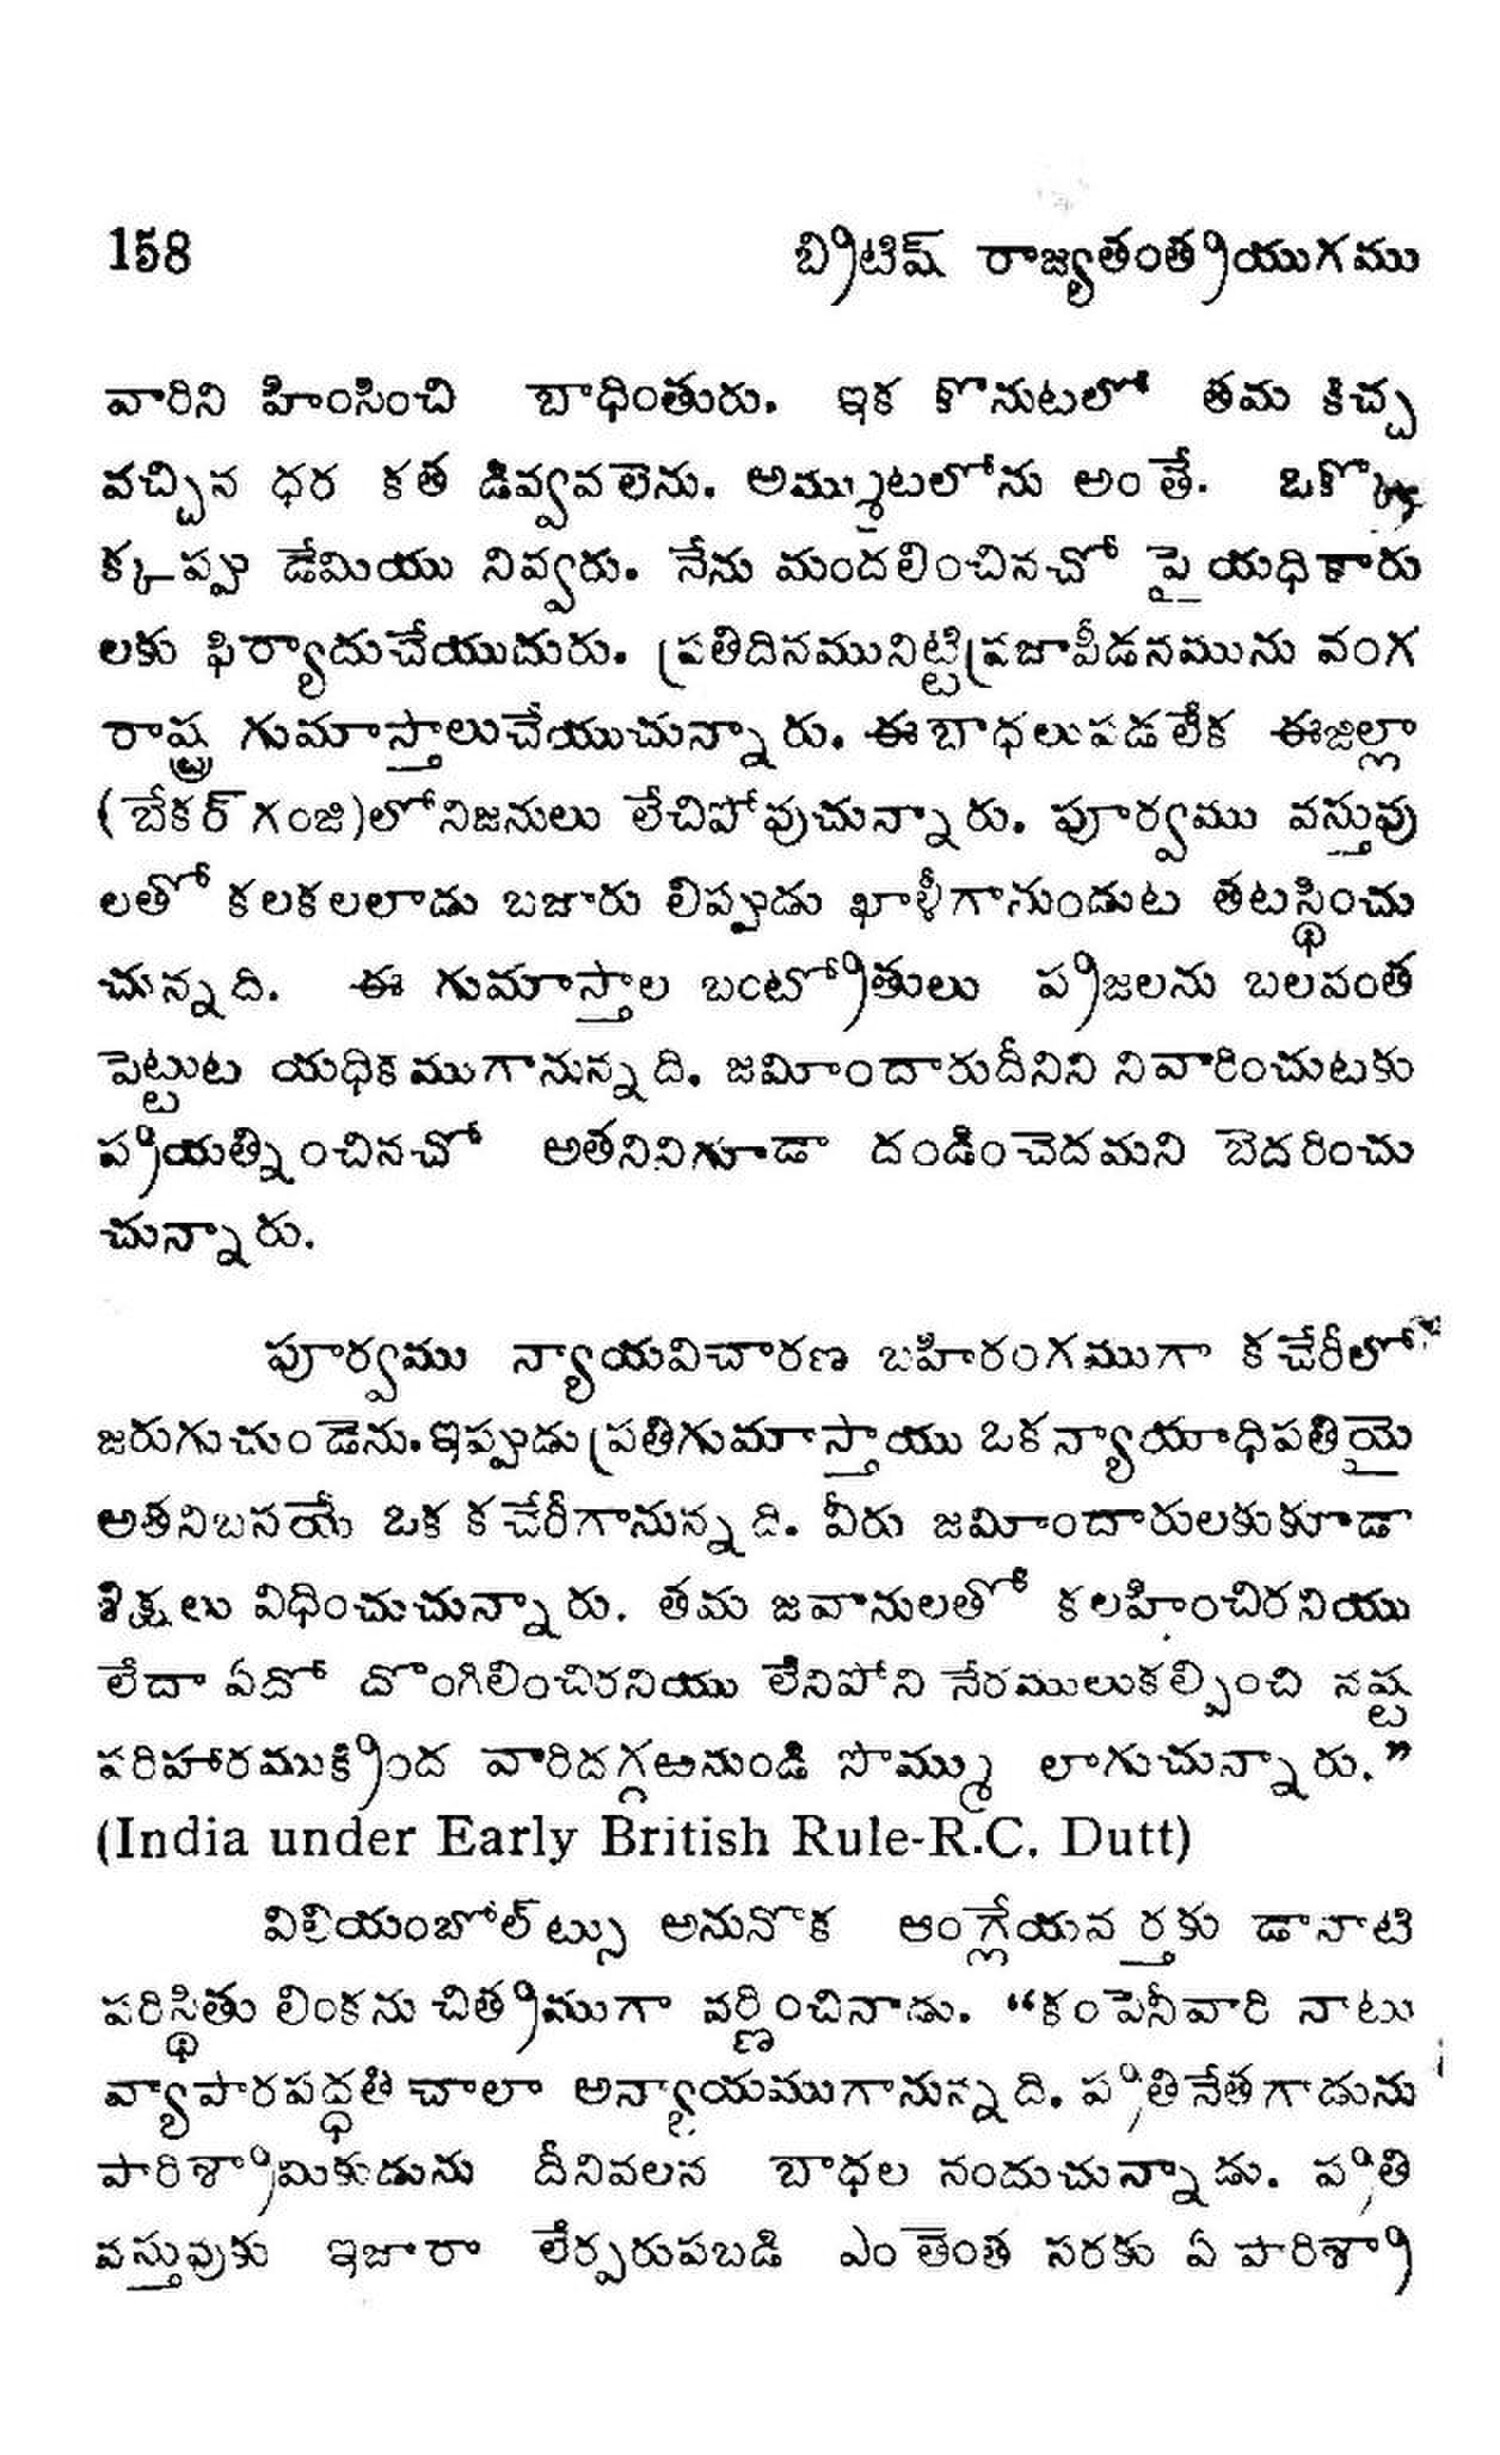వారిని హింసించి బాధింతురు. ఇక కొనుటలో తమ కిచ్చవచ్చిన ధర కత డివ్వవలెను. అమ్ముటలోను అంతే. ఒక్కొక్కప్పు డేమియు నివ్వరు. నేను మందలించినచో పై యధికారులకు ఫిర్యాదుచేయుదురు. ప్రతిదినమునిట్టి ప్రజాపీడనమును వంగరాష్ట్ర గుమాస్తాలుచేయుచున్నారు. ఈబాధలుపడలేక ఈజిల్లా ( బేకర్ గంజి)లోనిజనులు లేచిపోవుచున్నారు. పూర్వము వస్తువులతో కలకలలాడు బజారు లిప్పుడు ఖాళీగానుండుట తటస్థించుచున్నది. ఈ గుమాస్తాల బంట్రోతులు ప్రజలను బలవంతపెట్టుట యధికముగానున్నది. జమీందారుదీనిని నివారించుటకు ప్రయత్నించినచో అతనినిగూడా దండించెదమని బెదరించుచున్నారు.

పూర్వము న్యాయవిచారణ బహిరంగముగా కచేరీలో జరుగుచుండెను. ఇప్పుడు ప్రతిగుమాస్తాయు ఒక న్యాయాధిపతియై
అతనిబసయే ఒక కచేరీగానున్నది. వీరు జమీందారులకుకూడా శిక్షలు విధించుచున్నారు. తమ జవానులతో కలహించిరనియు లేదా ఏదో దొంగిలించిరనియు లేనిపోని నేరములుకల్పించి నష్టపరిహారముక్రింద వారిదగ్గఱనుండి సొమ్ము లాగుచున్నారు." (India under Early British Rule-R.C. Dutt)

విలియంబోల్‌ట్సు అనునొక ఆంగ్లేయవర్తకు డానాటి పరిస్థితు లింకను చిత్రముగా వర్ణించినాడు. “కంపెనీవారి నాటు వ్యాపారపద్ధతిచాలా అన్యాయముగానున్నది. ప్రతినేతగాడును పారిశ్రామికుడును దీనివలన బాధల నందుచున్నాడు. ప్రతి వస్తువుకు ఇజారా లేర్పరుపబడి ఎంతెంత సరకు ఏ పారిశ్రా